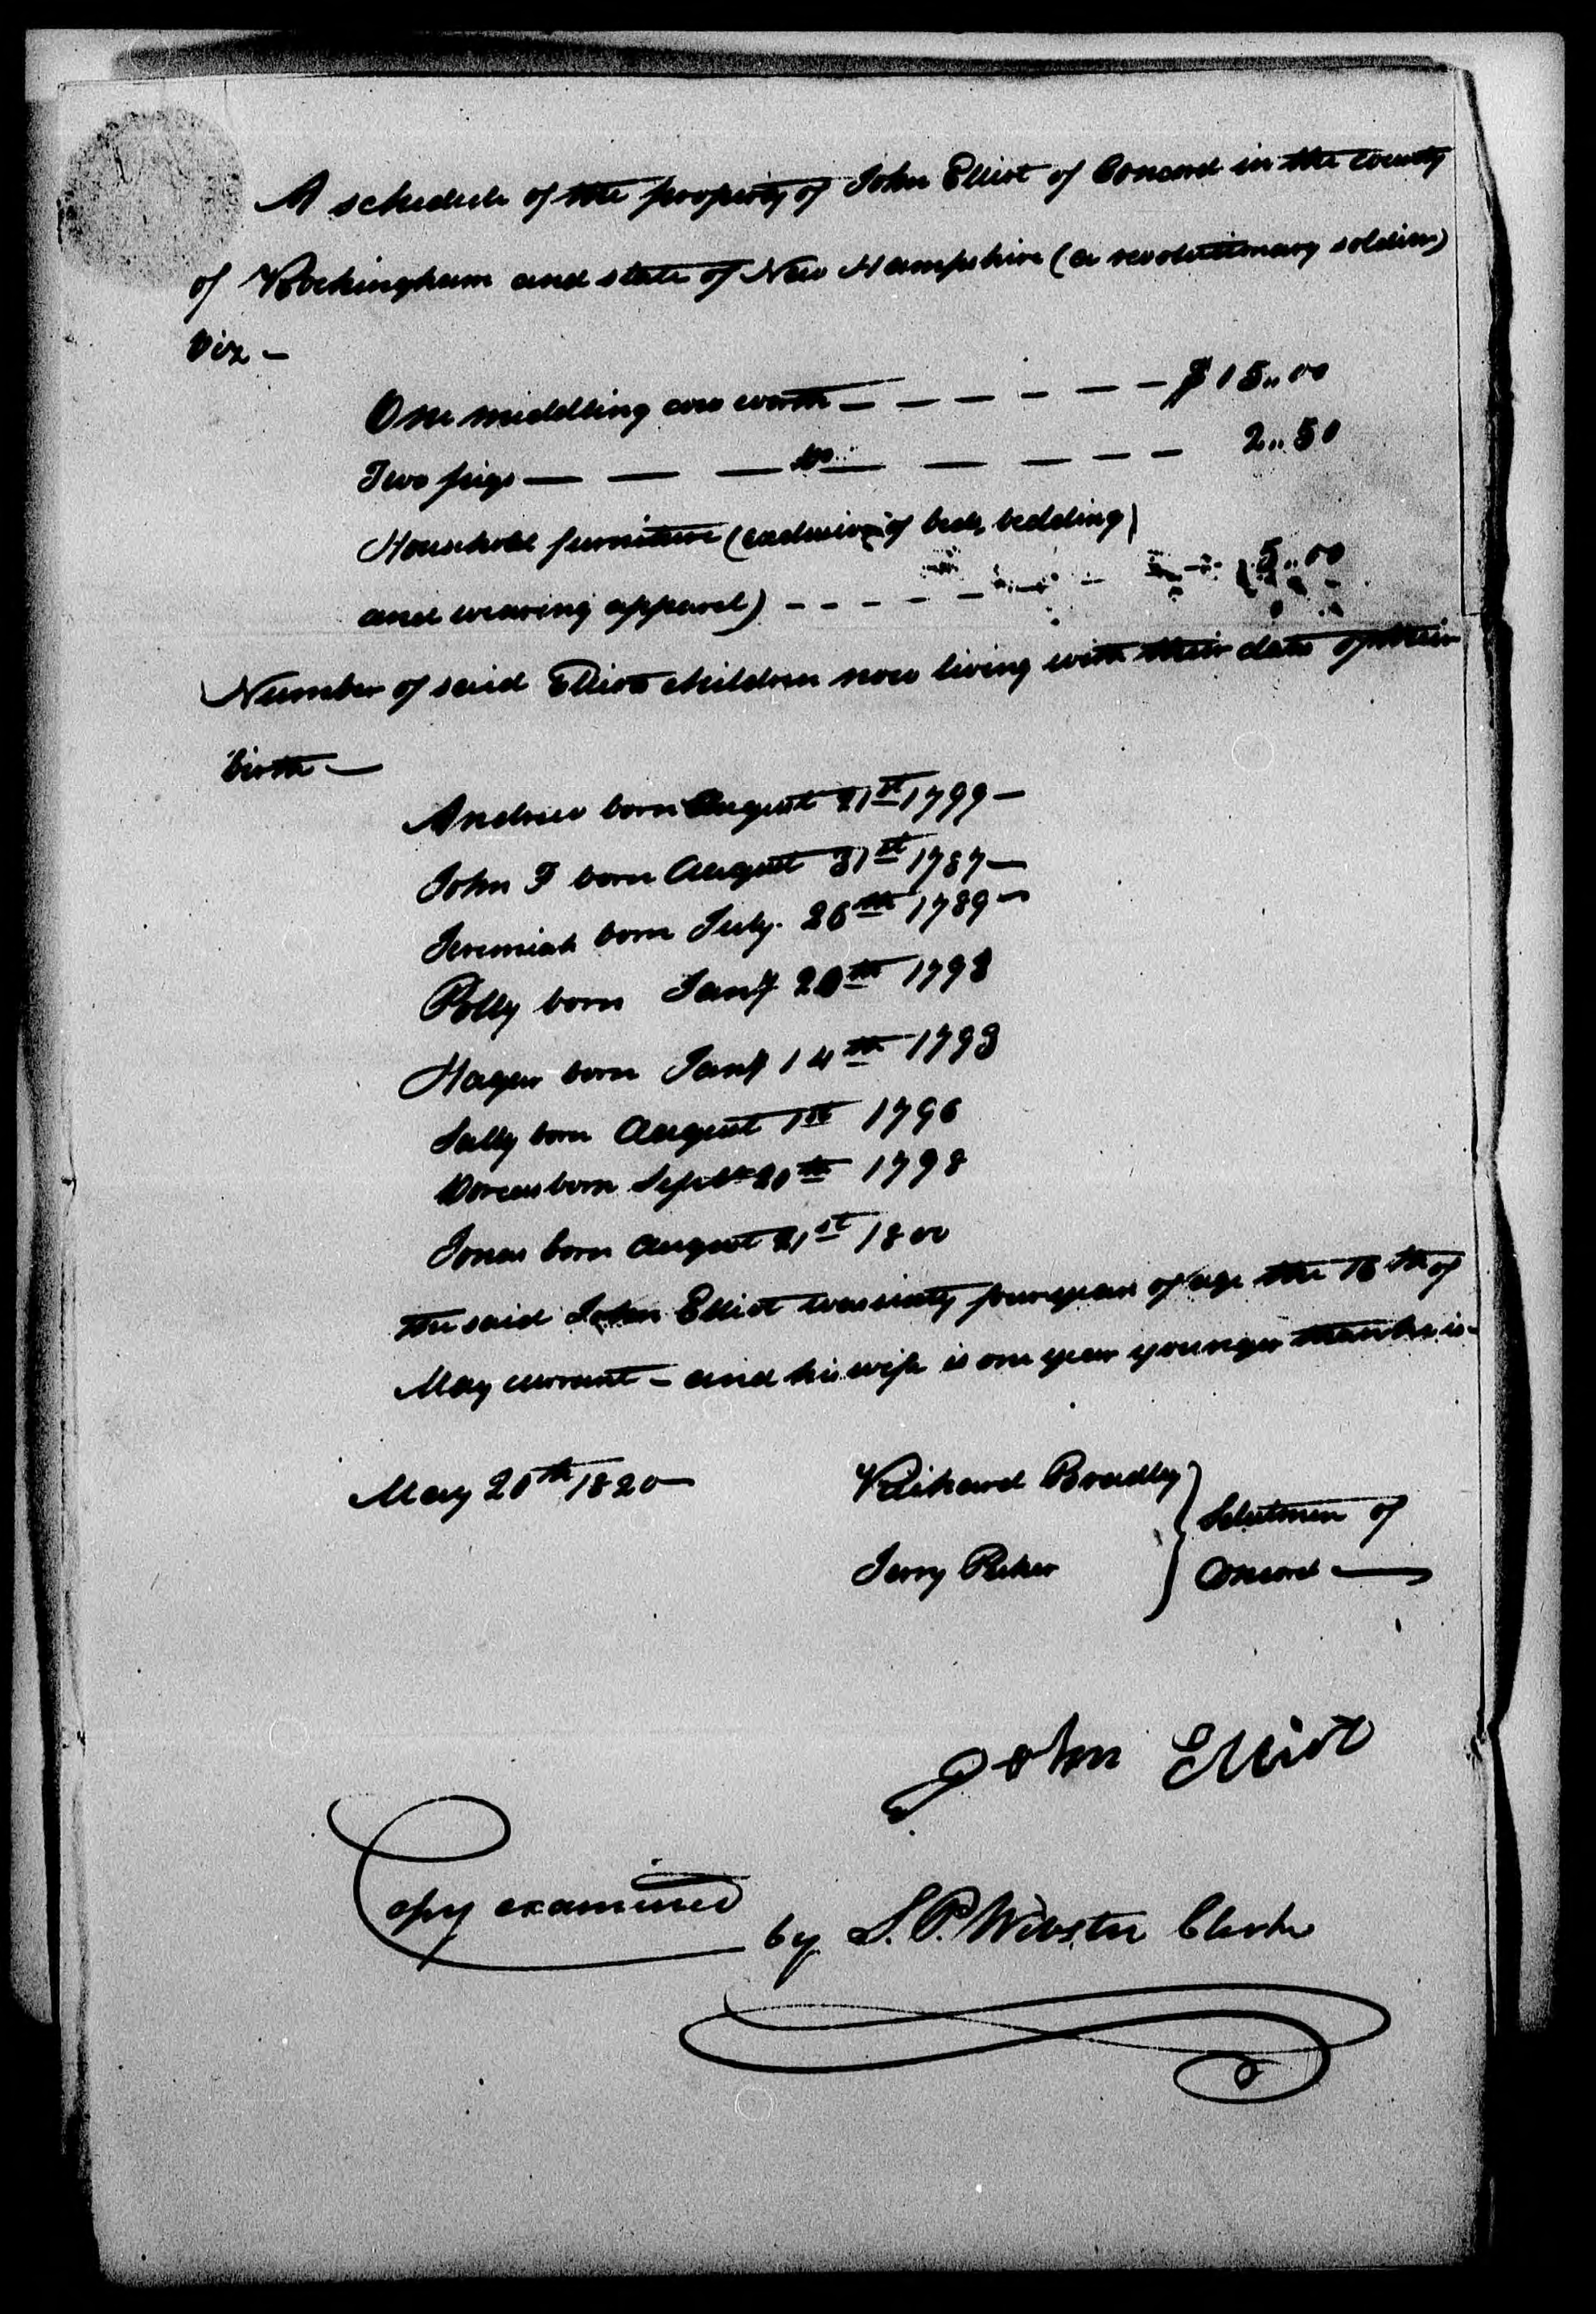A schedule of the property of John Elliot of Concord in the County of Rockingham and State of New Hampshire (a revolutionary soldier) viz -
One middling cow worth $15.00
Two pigs 2.50
Household furniture (exclusive of beds, bedding and wearing apparel) 5.00

Number of said Elliot children now living with their dates of their birth
Andrew born August 1st 1799
John F born August 31st 1787
Jeremiah Born July 26th 1789
Polly born Jany 20th 1791
Hager born Jany 14th 1793
Sally born August 1st 1796
Dorcas born Sept 20th 1798
Jonas born August 21st 1800
the said John Elliot was sixty four years of age on the 16th of May current and his wife is one year younger than he is
May 20th 1820

Richard Bradley
Jerry [Baker?]
Selectmen of Concord

John Elliot

Copy examined by
S. P. Webster Clerk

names: Hagar, John Elliot, Elliot, Jonas, Richard Bradly, Dorcass, Jerry Parker, Sally, Andrew, John Elliot, S P Webster, John F, John Elliot, Polly, Jeremiah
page: 12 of 57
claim: widow's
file: W. 16,114, John Elliot, Continental (Mass) N.H.